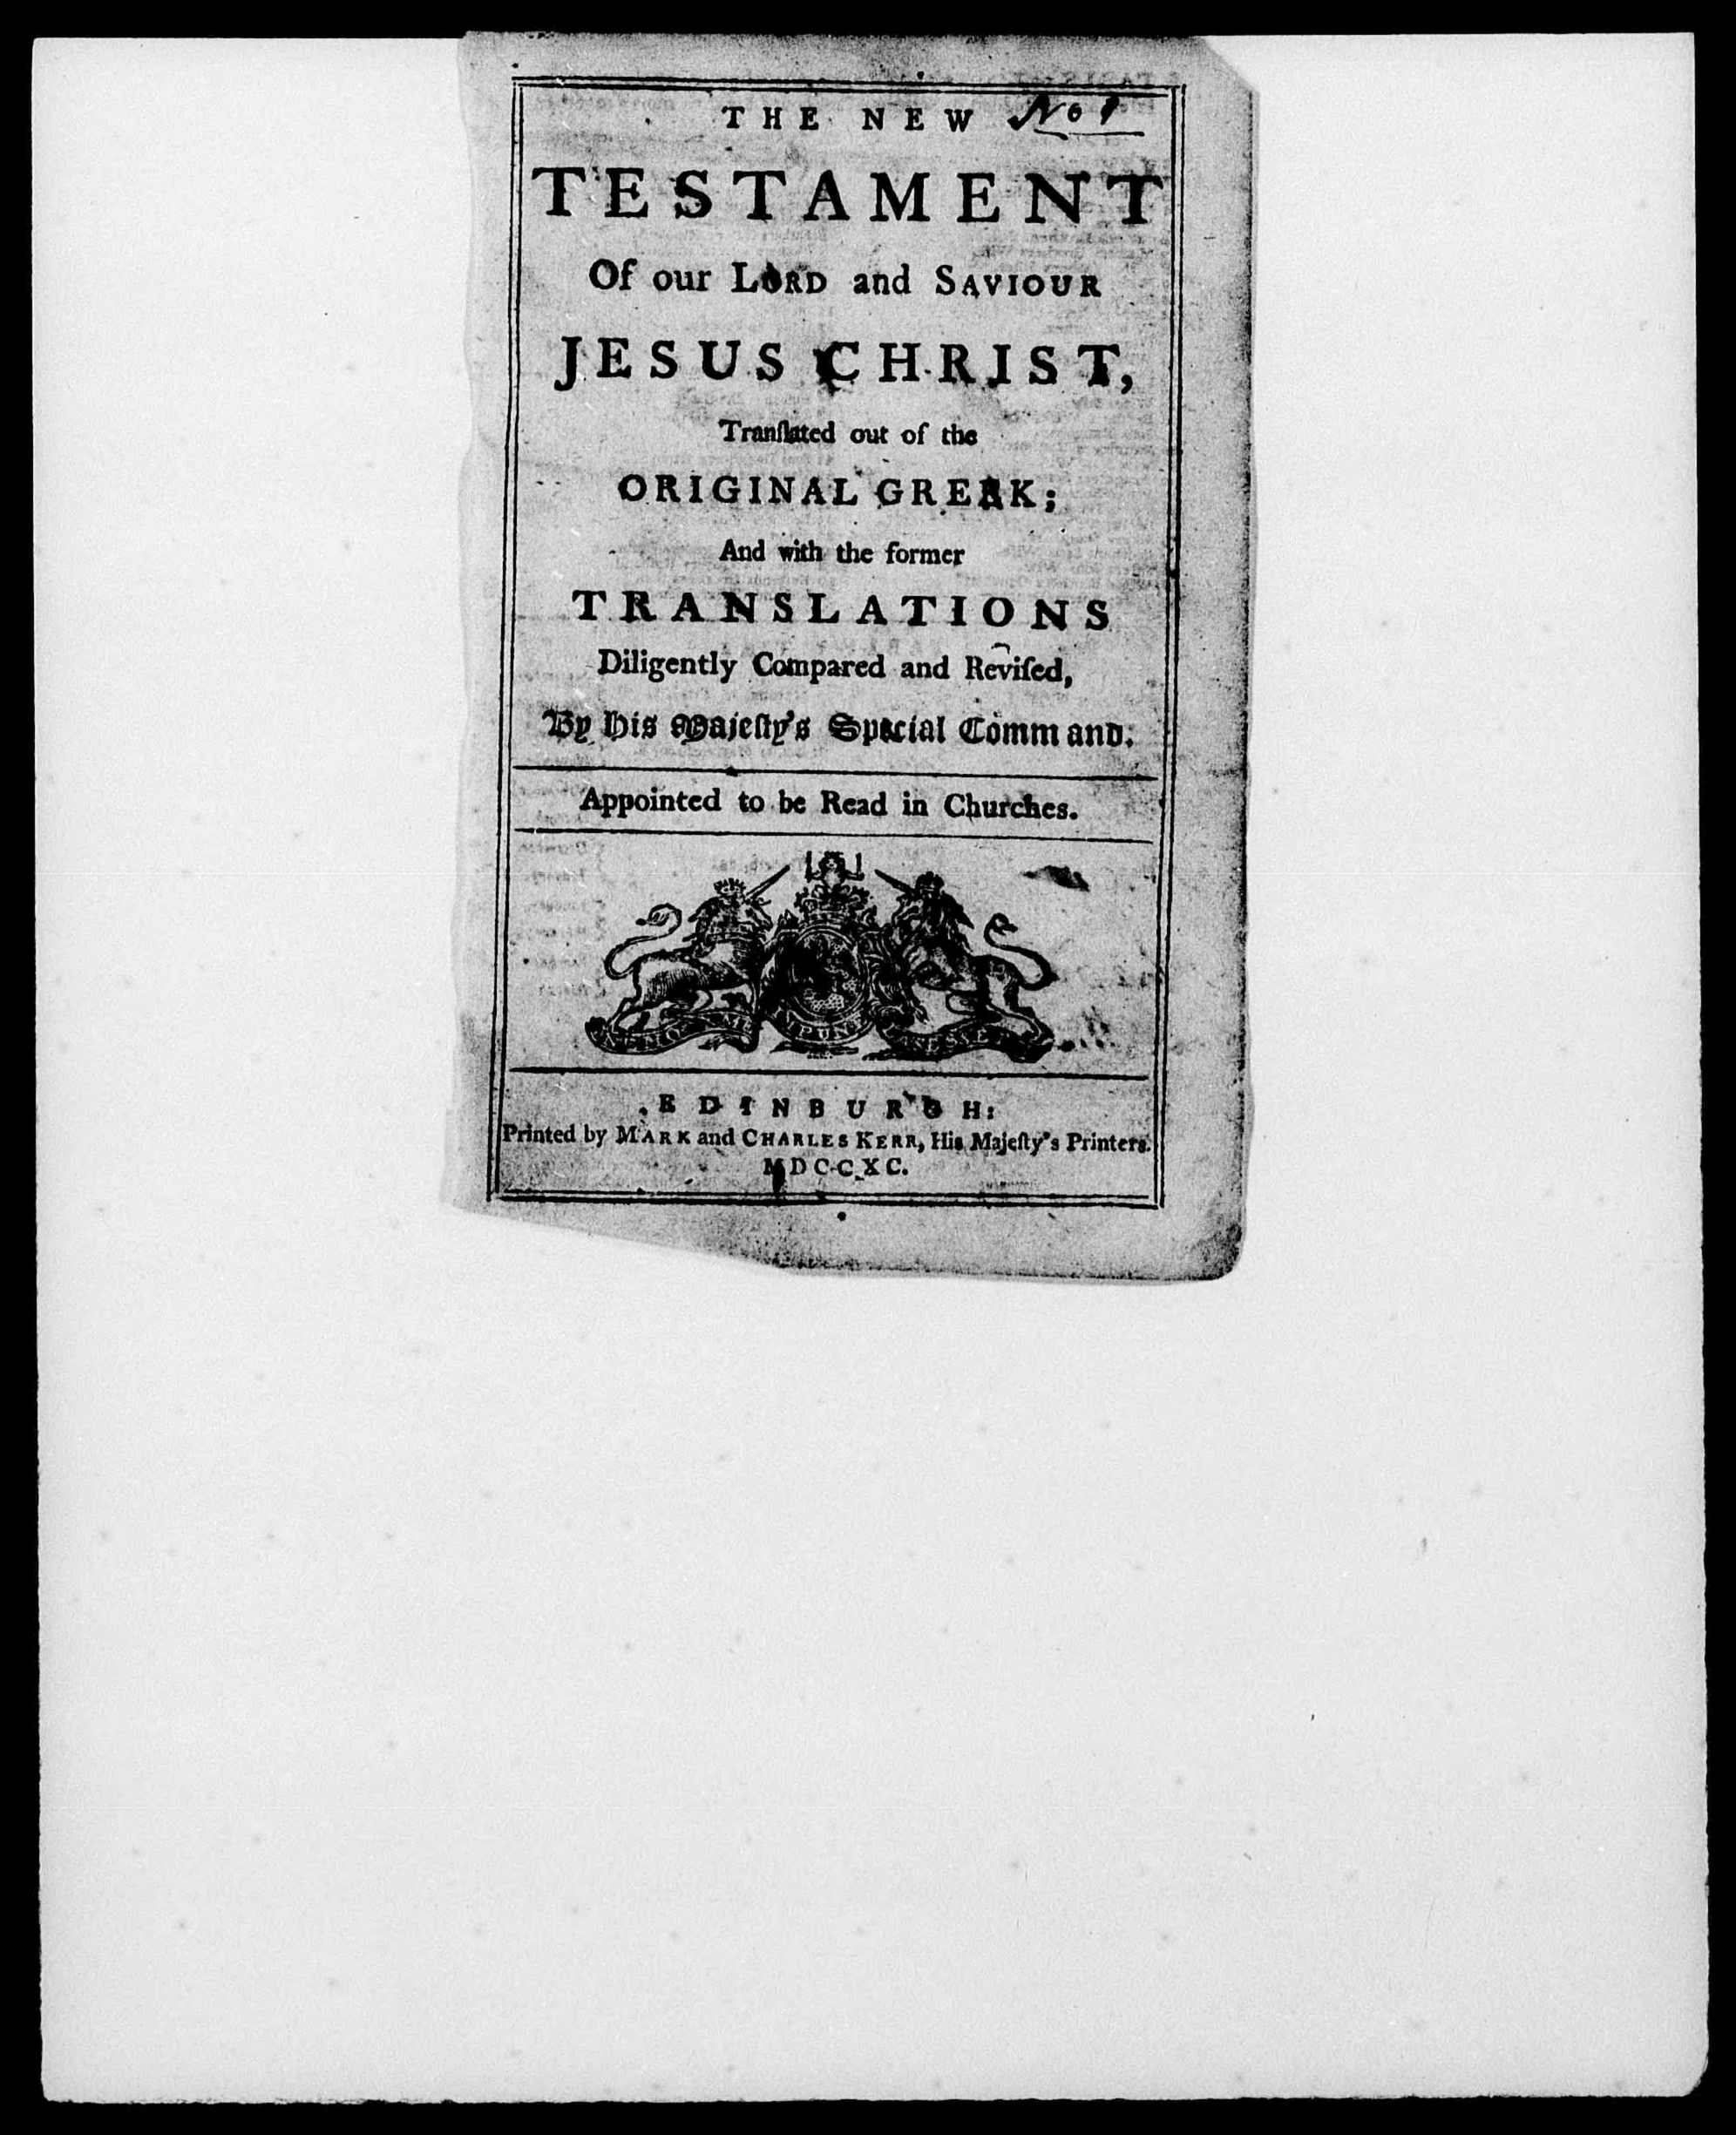THE NEW    No 1
TESTAMENT
Of our LORD and SAVIOUR
JESUS CHRIST
Translated out of the
ORIGINAL GREEK;
And with the former
TRANSLATIONS
Diligently Compared and Revised,
By His Majesty's Special Command.
Appointed to be Read in Churches.
EDINBURGH
Printed by MARK and CHARLES KERR, His Majesty's Printers
MDCCXC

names: Charles Kerr, Mark Kerr, Jesus Christ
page: 13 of 42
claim: widow's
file: W. 19,722, Ira Hand, N.H. Vt.